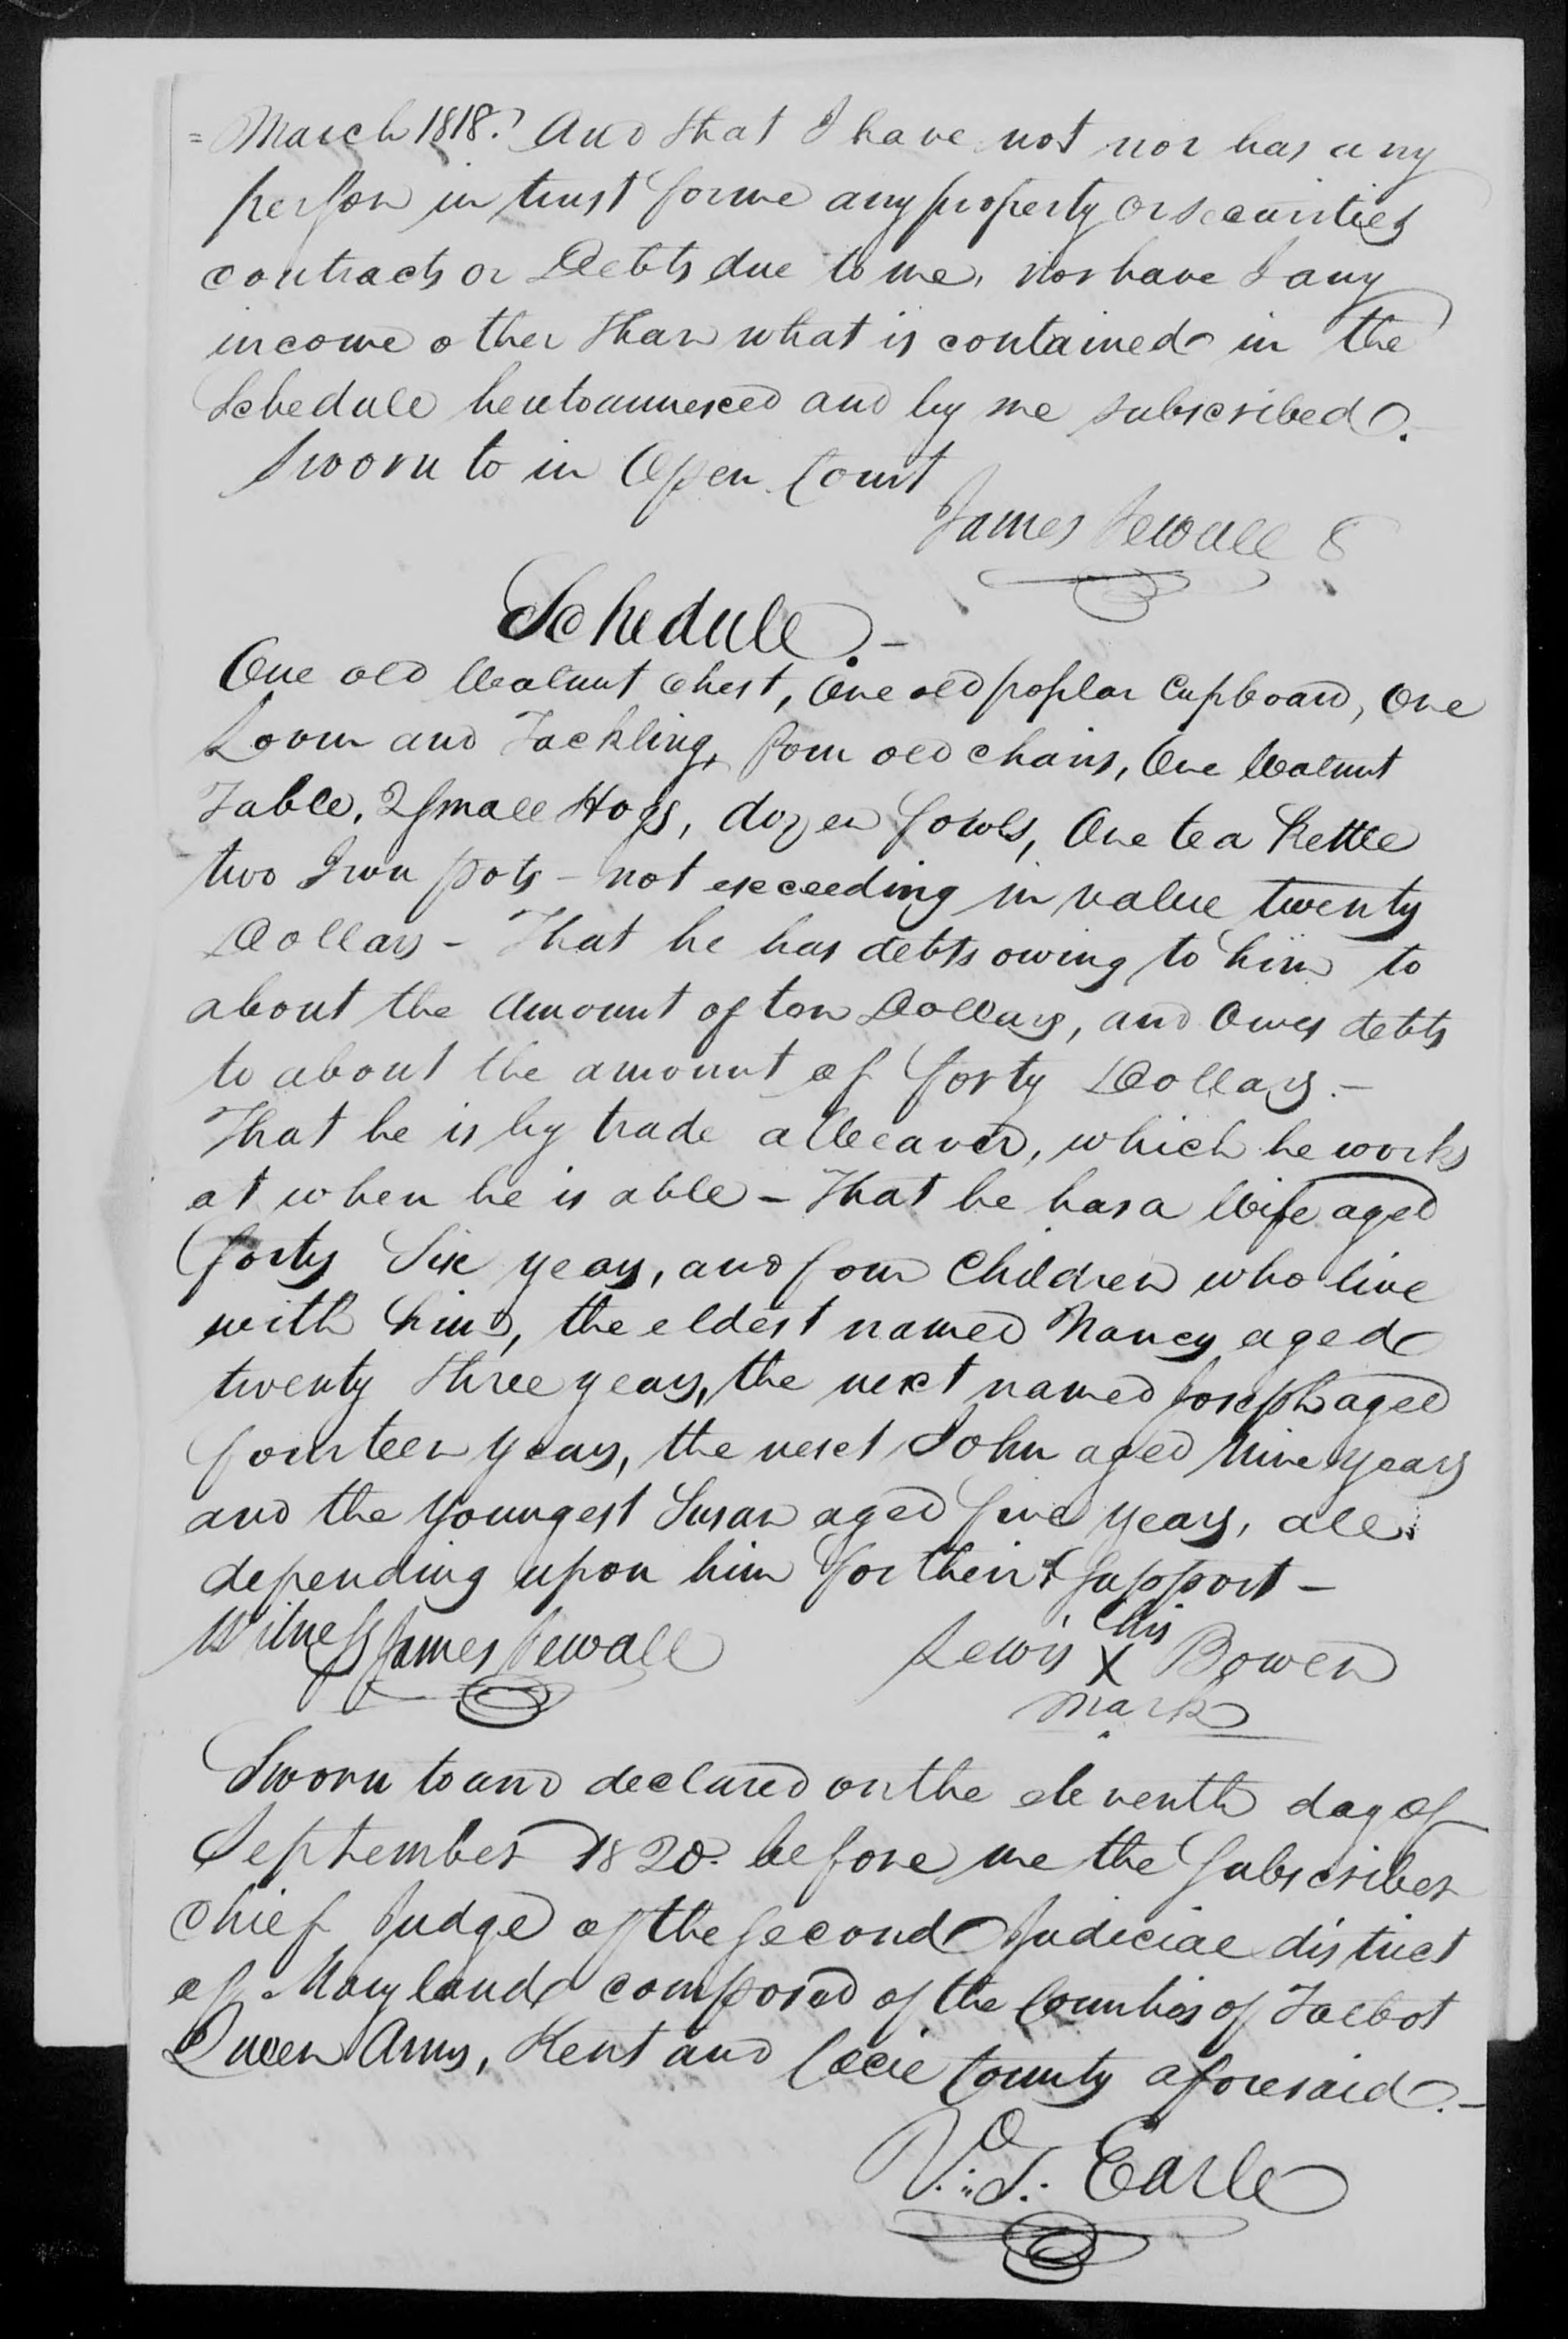March 1818. And that I have not nor has any 
person in trust found any property or securities  
contracts or Debts due to me, nor have I any
income other than what is contained in the 
schedule here to (?) and by me subscribed
Sworn to in Open Court
James Sewall

Schedule 
One old Walnut chest, one old poplar cupboard, one
Loom(?) and Tackling, four old chains, One Walnut
Table, 2 small Hogs, dozen fowls, one tea kettle,
two Iron pots- not exceeding in value twenty
Dollars- That he has debts owing to him to 
about the amount of ten Dollars, and Owes debts
to about the amount of forty Dollars-
That he is by trade a Cleaver, which he works
at when he is able- That he has a wife aged
forty five years, and four children who live
with him, the eldest named Nancy aged 
twenty three years, the next named Joseph aged
fourteen years, the next John, aged Nine years
and the youngest Susan aged five years, all
depending upon him for their support-
Witness James Sewall    Lewis X(Chis?) Bowen (beneath: mark)

Sworn to and declared on the Seventh day of 
September 1820 before me the Subscriber
Chief Judge of the Second Judicial district 
of Maryland composed of the counties of Talbot 
Queen Anne, Kent and Cecil County aforesaid 
V. T. Earle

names: John, James Sewall, Nancy, Joseph, James Sewall, V T Earle, Lewis Bowen, Susan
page: 6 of 11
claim: survivor's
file: S. 34,661, Stephen Lewis Bowen, Md.